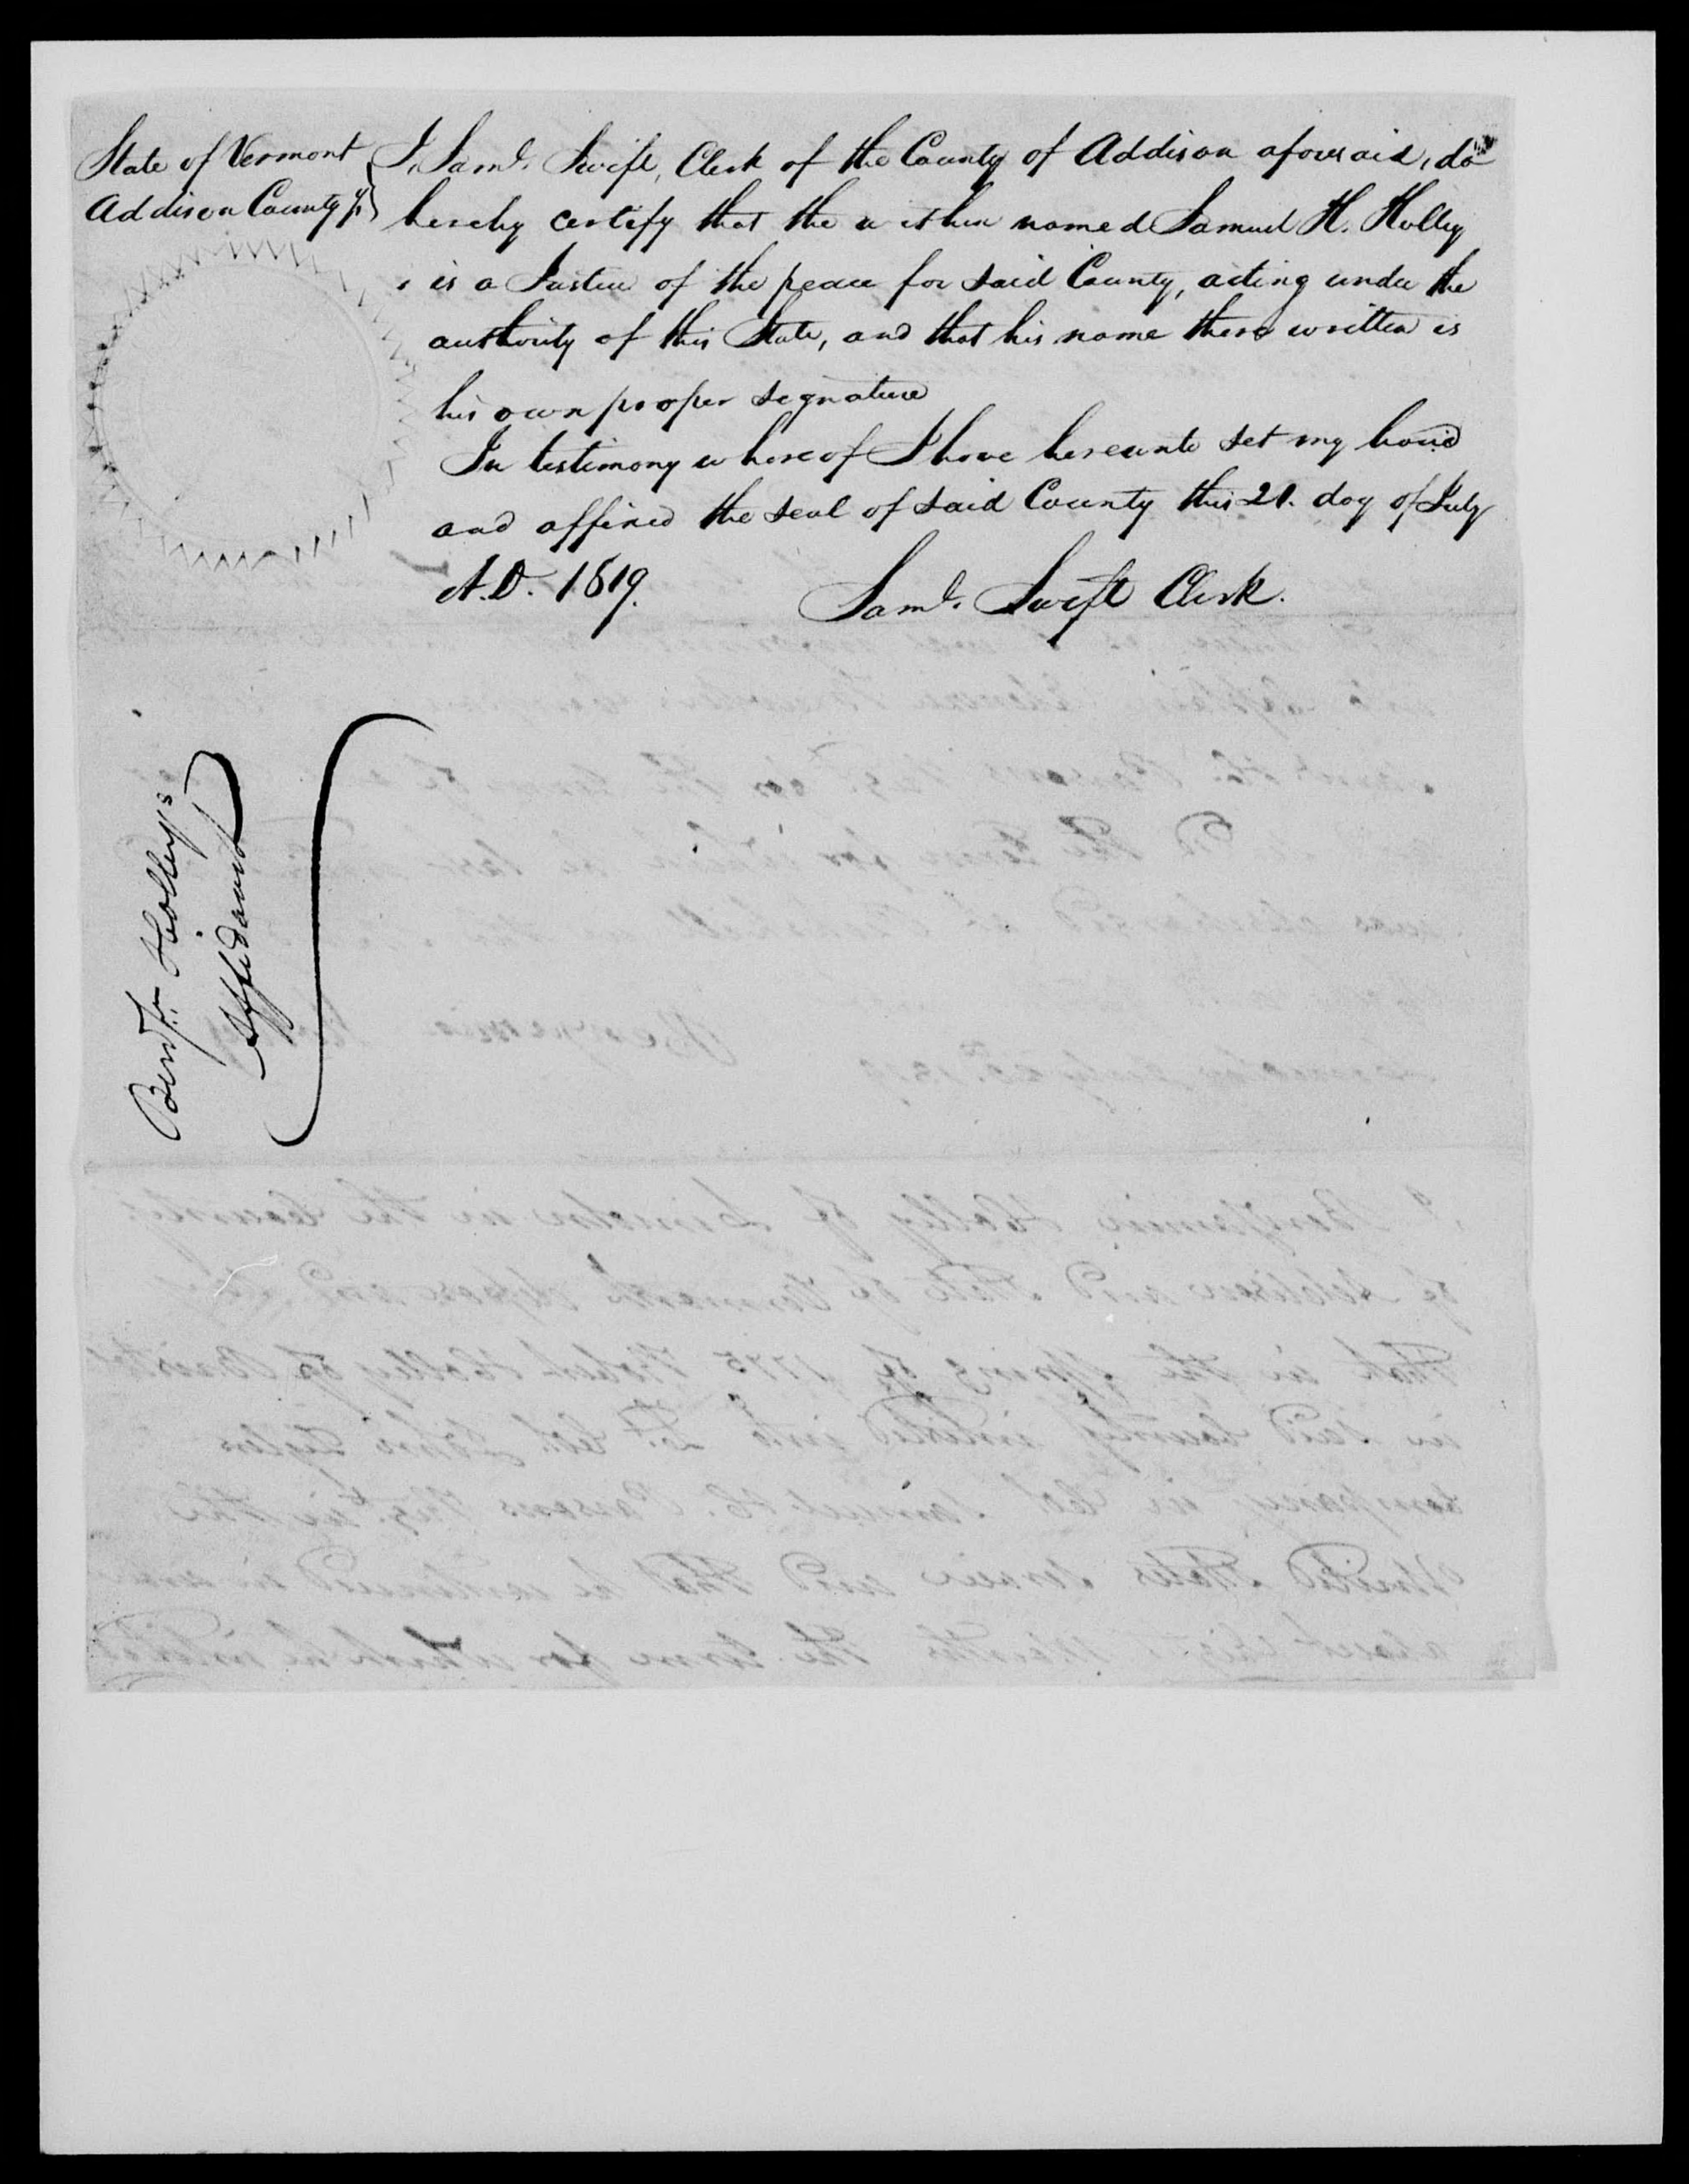State of Vermont
Addison County
i, Saml Swift, Clerk of the County of Addison aforesaid, do
hereby certify that the within named Samuel H. Holley
is a Justice of the peace for said County, acting under the
authority of this State, and that his name there written is
his own proper signature
In testimony whereof I have hereunto set my hand
and affixed the seal of said County this 21 day of July
A.D. 1819.
Saml Swift Clerk

[sideways]
Benj Holley
Affidavit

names: Samuel H Holley, Saml Swift, Saml Swift, Benj Holley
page: 24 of 62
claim: widow's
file: W. 21391, Robert Holley, Conn.